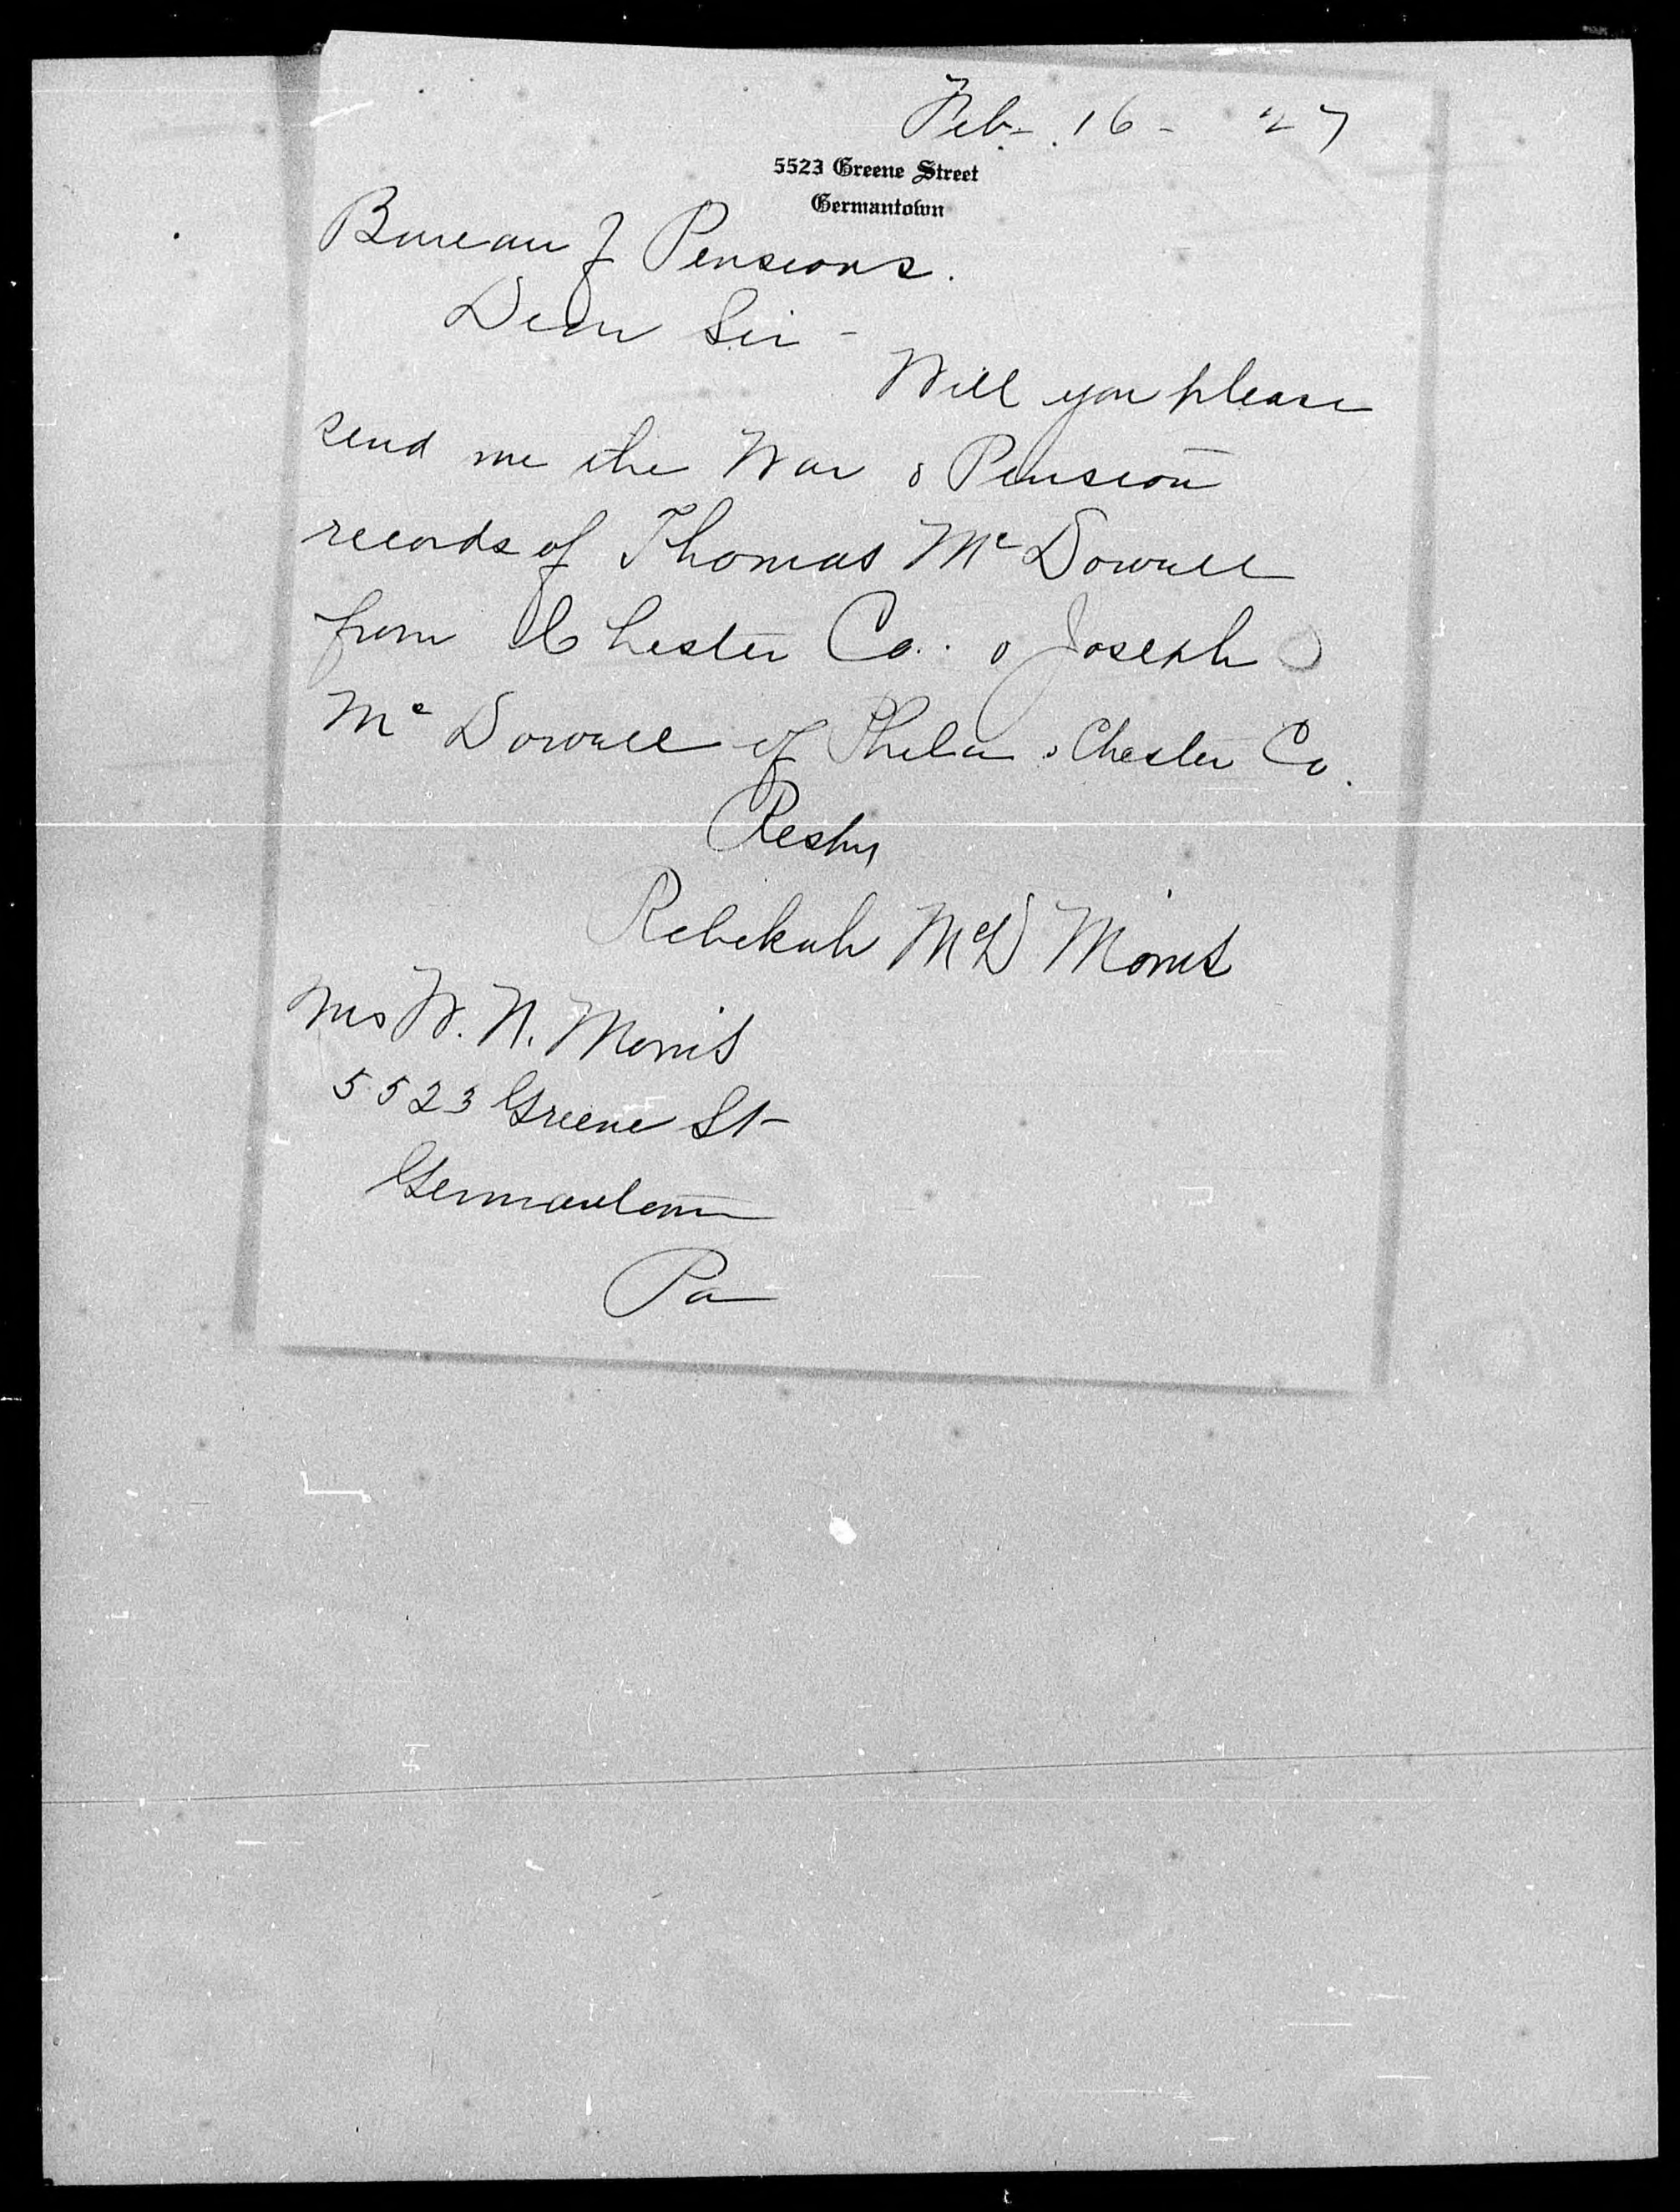Feb. 16 - 27
5523 Greene Street
Germantown
Bureau of Pensions.

Dear Sir -
Will you please send me the War & Pension records of Thomas McDowell from Chester Co. Joseph McDowell of Phila. Chester Co.

Respy
Rebekah McD Moms

Ms N.N. Moms
5523 Greene St
Germantown
Pa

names: Rebekah Mc D Morris; W N Morris; Thomas Mc Dowell; Joseph Mc Dowell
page: 60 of 63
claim: widow's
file: W 2957, for Thomas Mc Dowell, Maryland